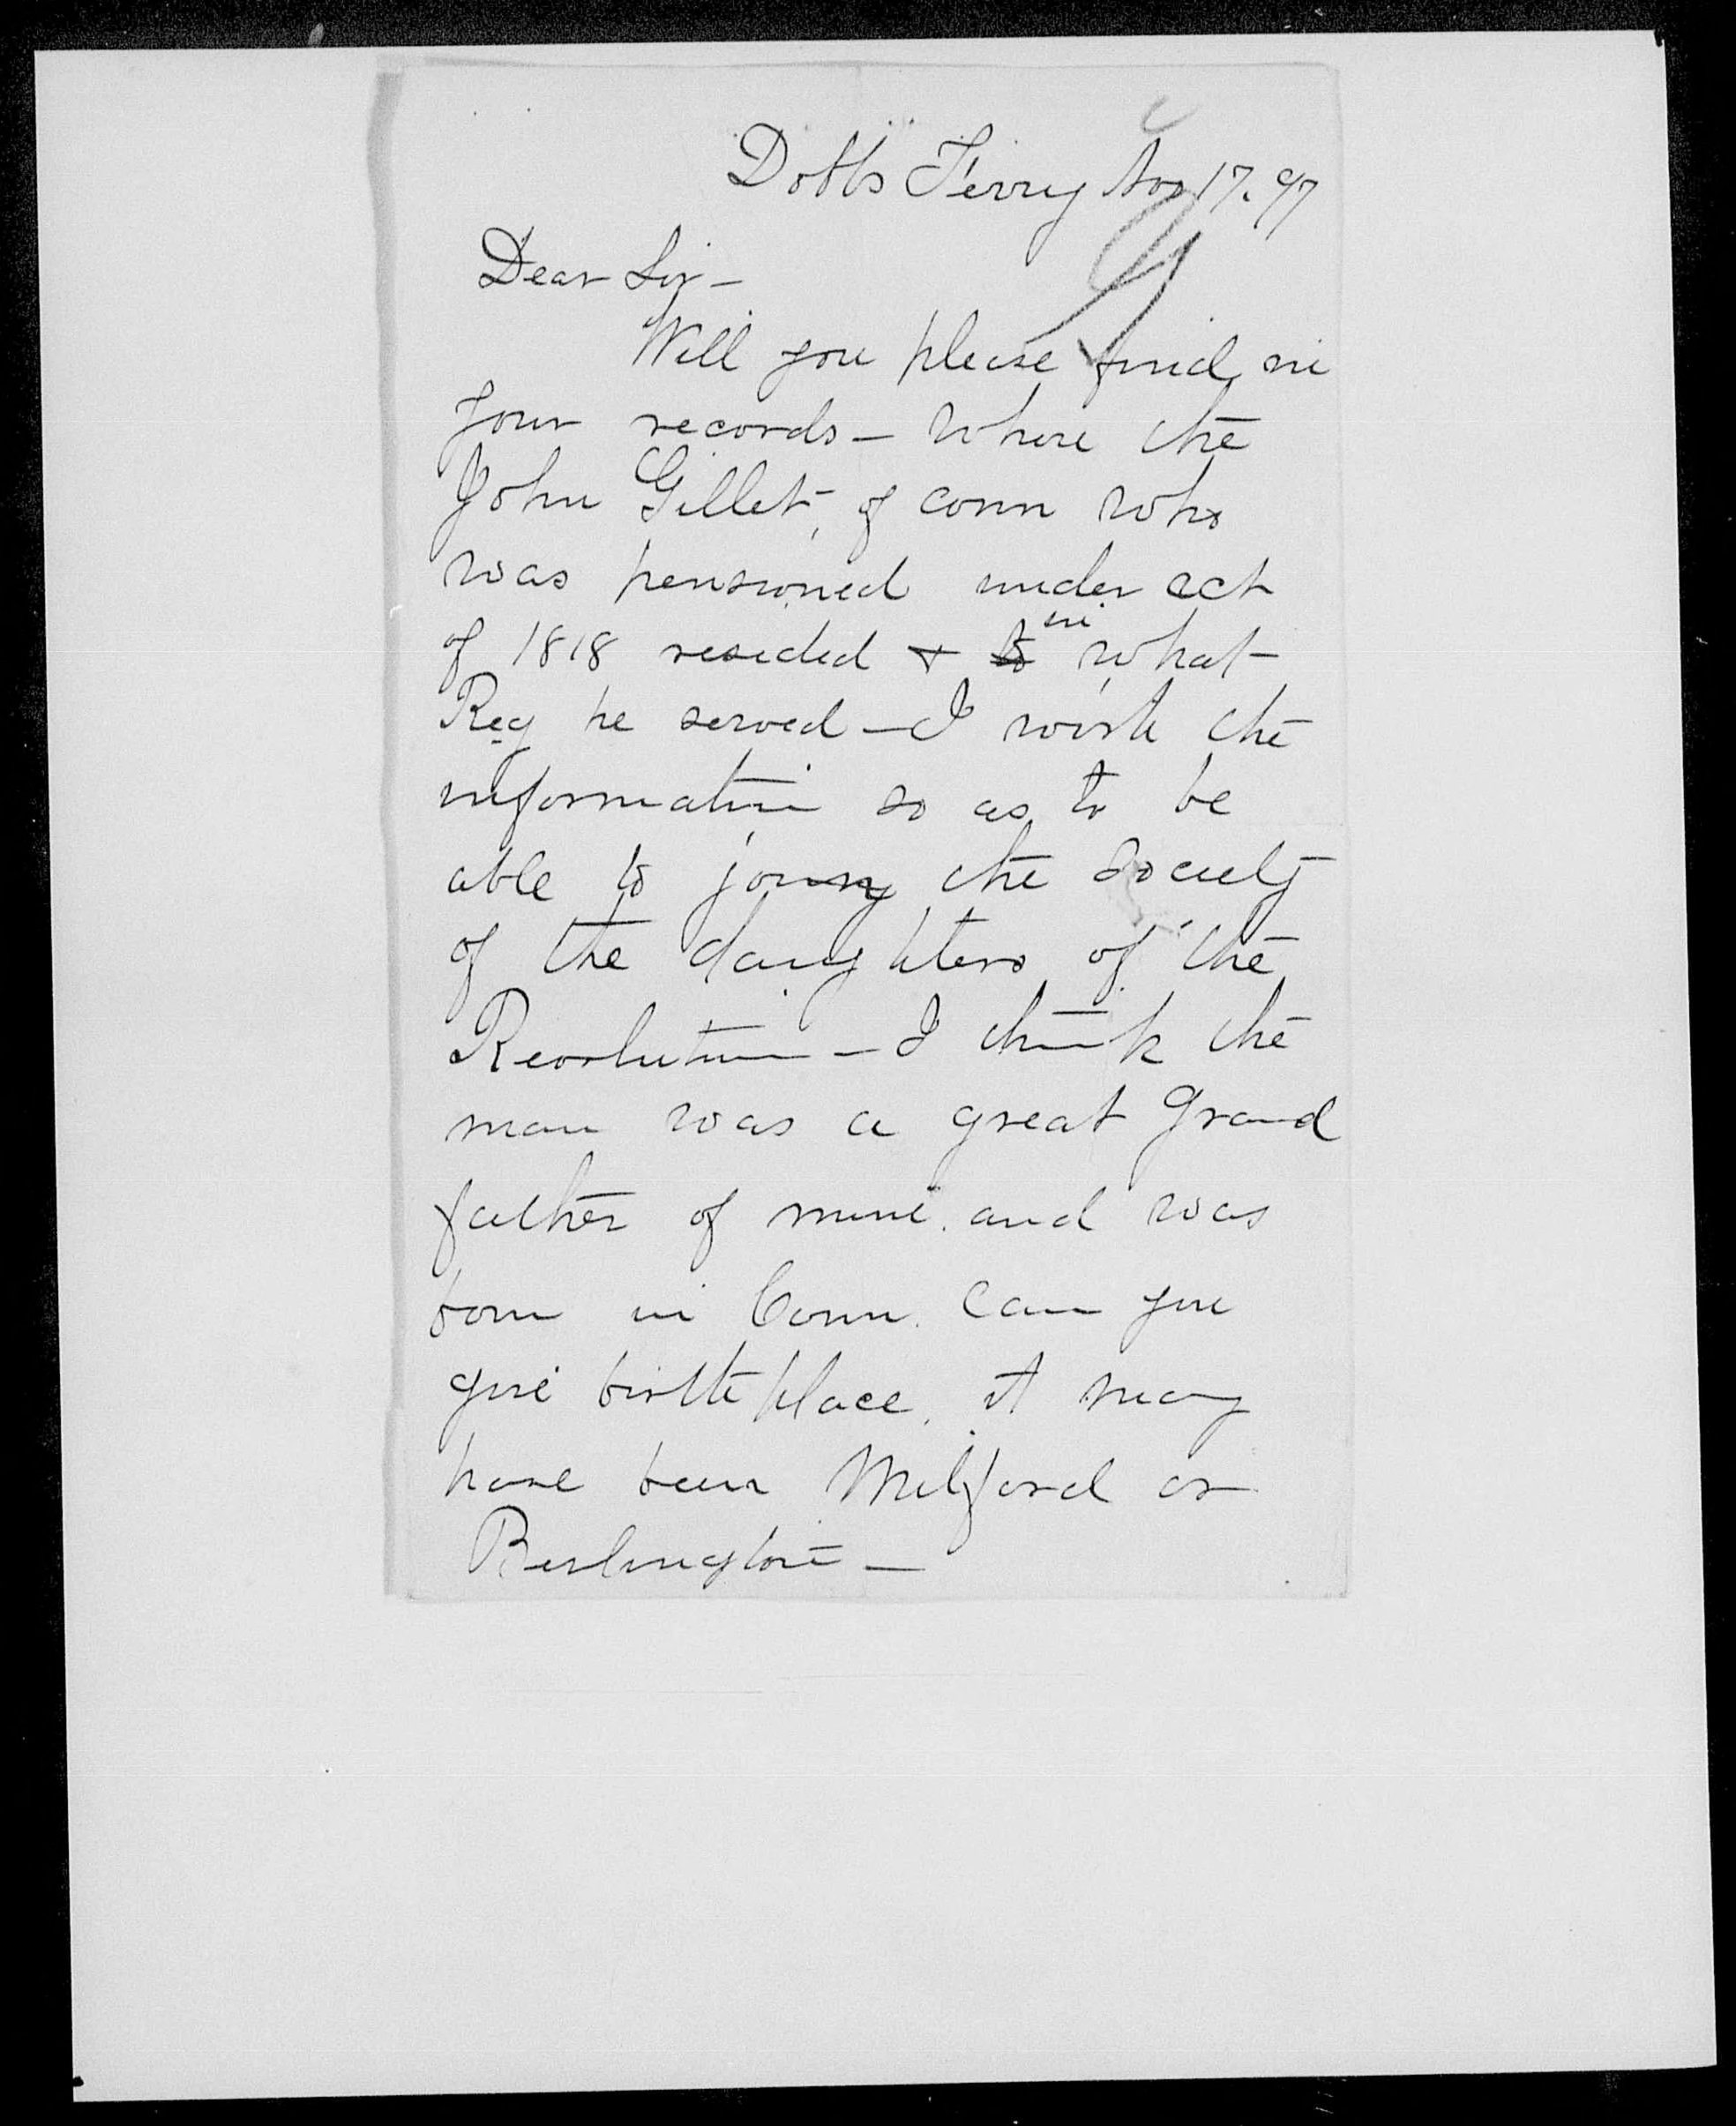Dobbs Ferry Nov 17. 97

Dear Sir -
   Will you please find on your records - where the John Gillet of conn John was pensioned under act of 1818 resided & in what Reg he served - I wish the information so as to be able to join the Society of the daughters of the Revolution -  I think the man was a great grandfather of mine and so as from Conn   Can you give birthplace. it may have been Milford or Burlington -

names: John Gillet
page: 29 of 40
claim: survivor's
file: S. 36,537 And R. 4034, John Gillet, Conn.